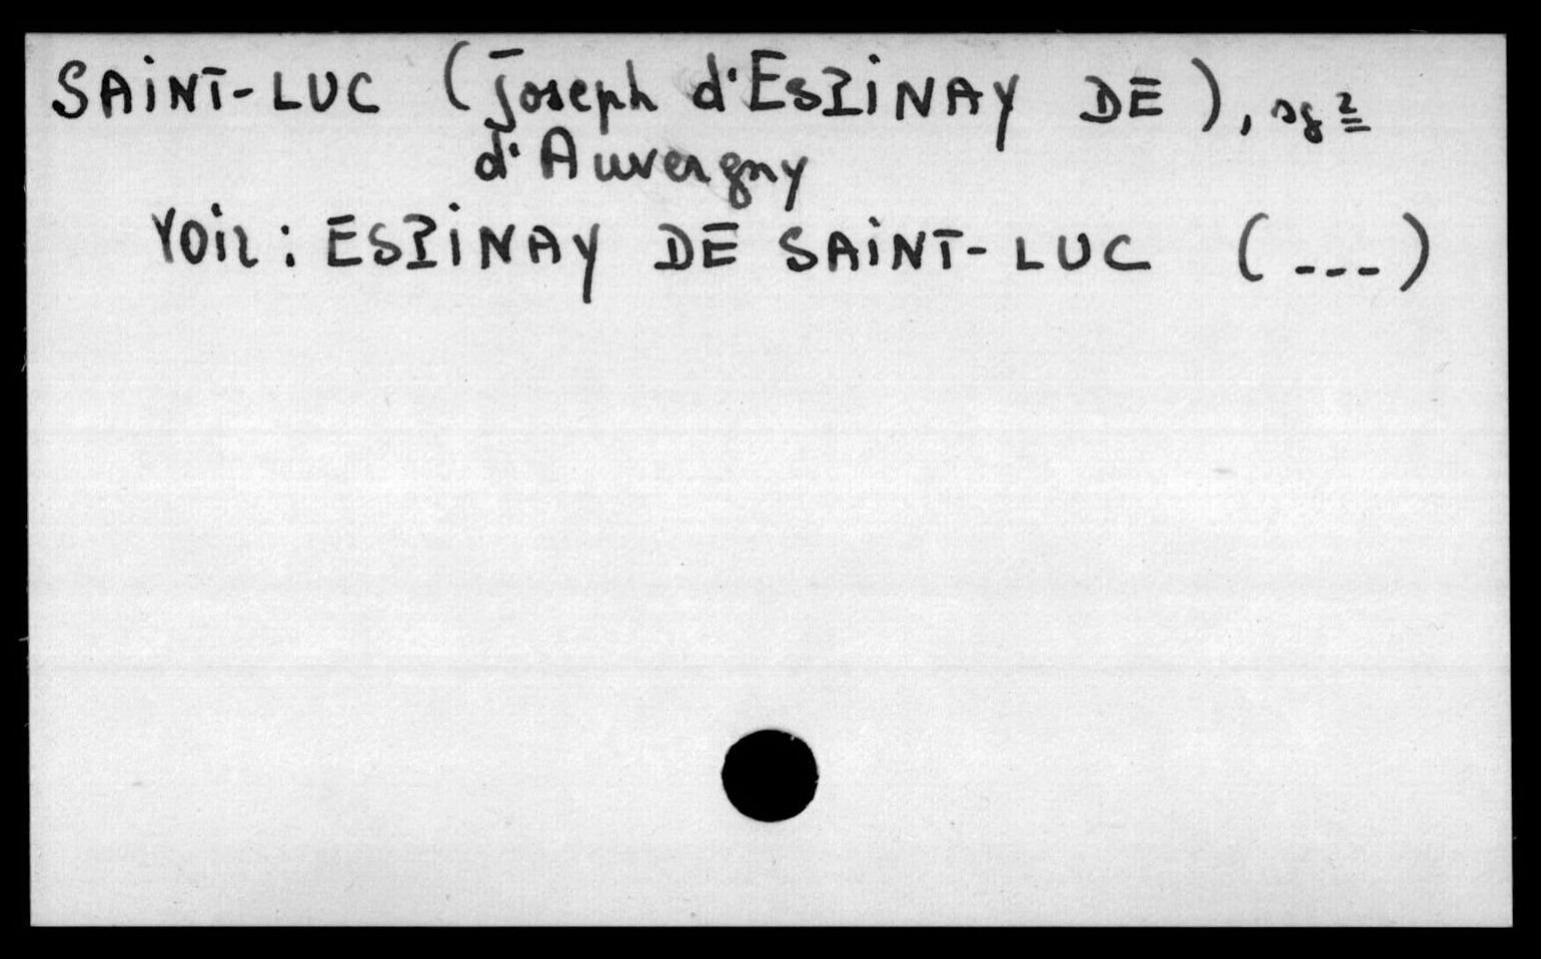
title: SAINT-LUC (Joseph d'ESPINAY DE), seigneur d'Auvergny
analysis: voir : ESPINAY DE SAINT-LUC (...)
